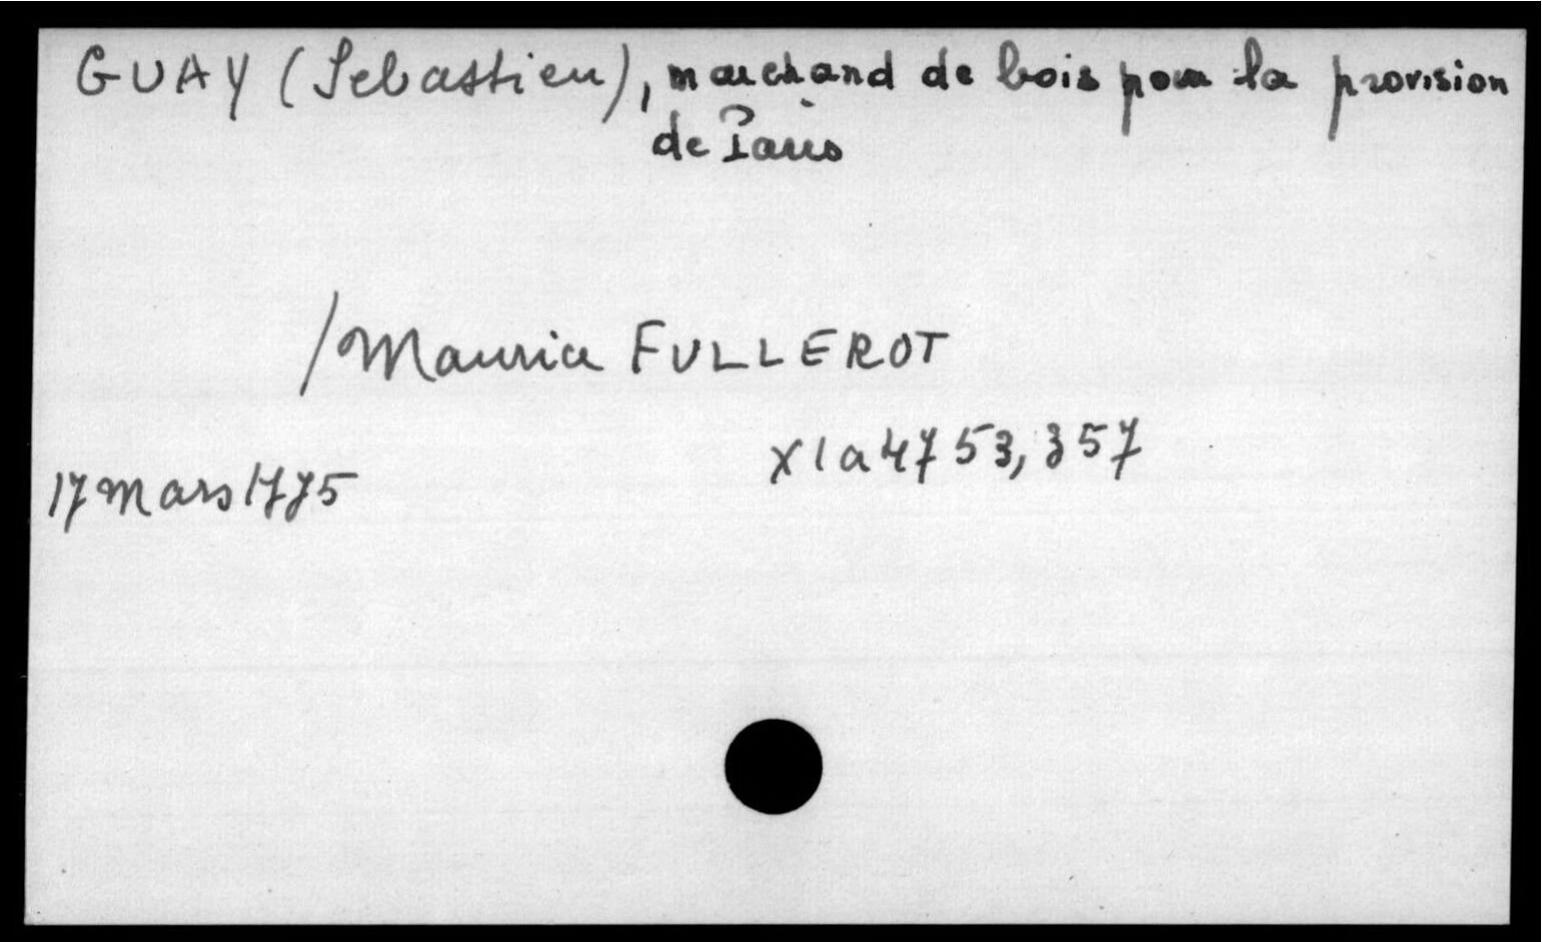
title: GUAY (Sébastien), marchand de bois pour la provision de Paris
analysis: Contre Maurice FULLEROT
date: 17 mars 1775
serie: X1a
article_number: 4753
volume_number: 357
